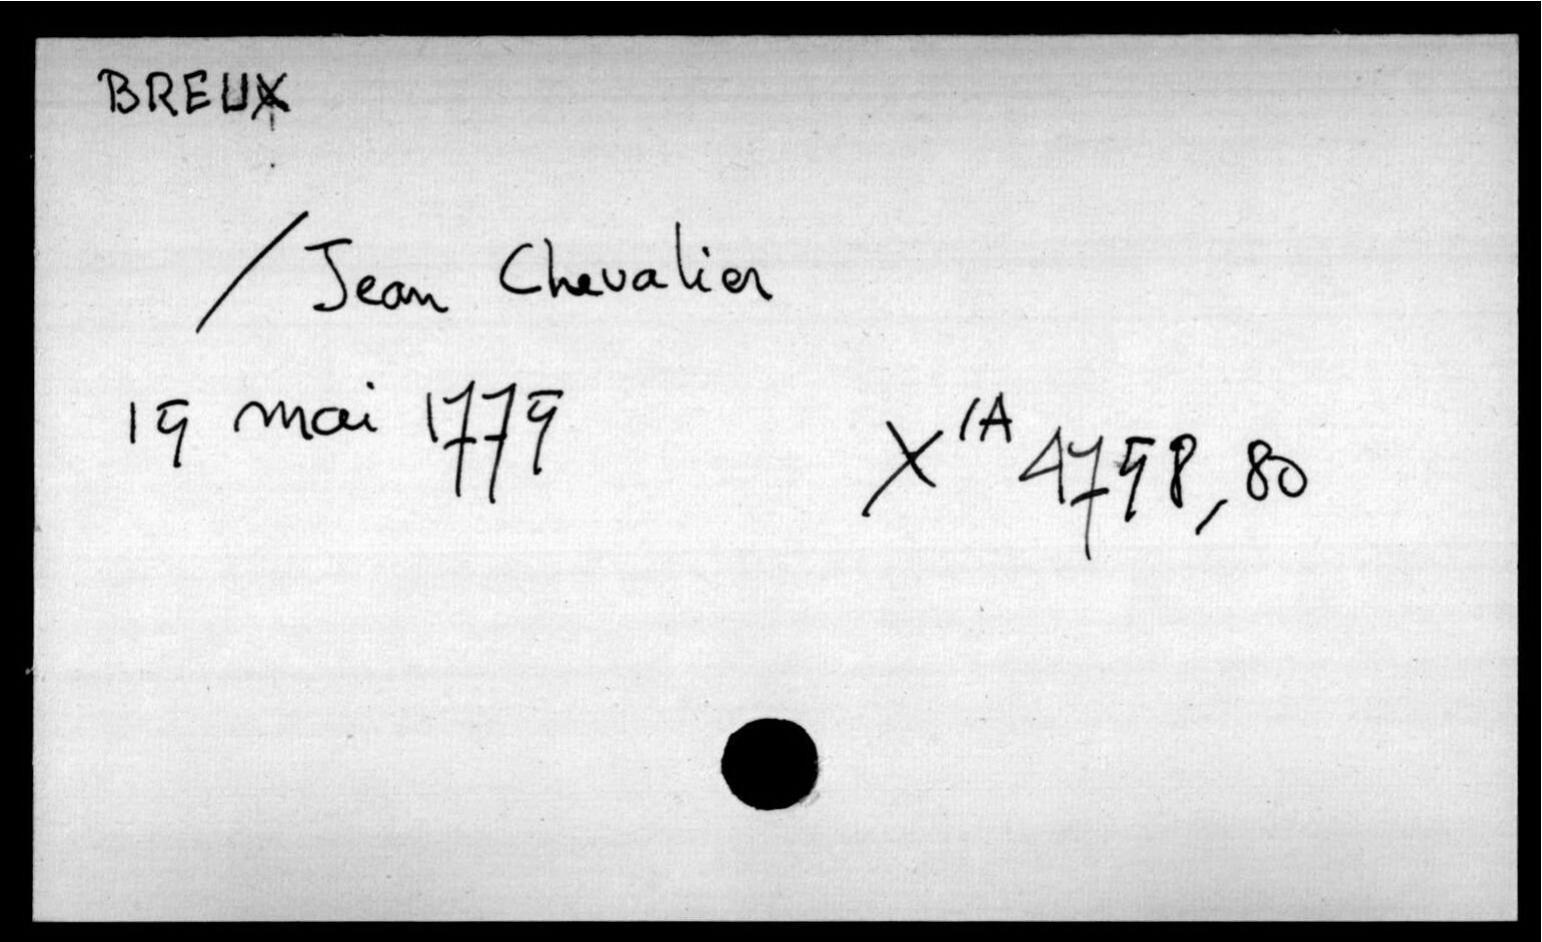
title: BREUX
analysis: Contre Jean Chevalier
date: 15 mai 1775
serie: X1A
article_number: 4758
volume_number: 80
